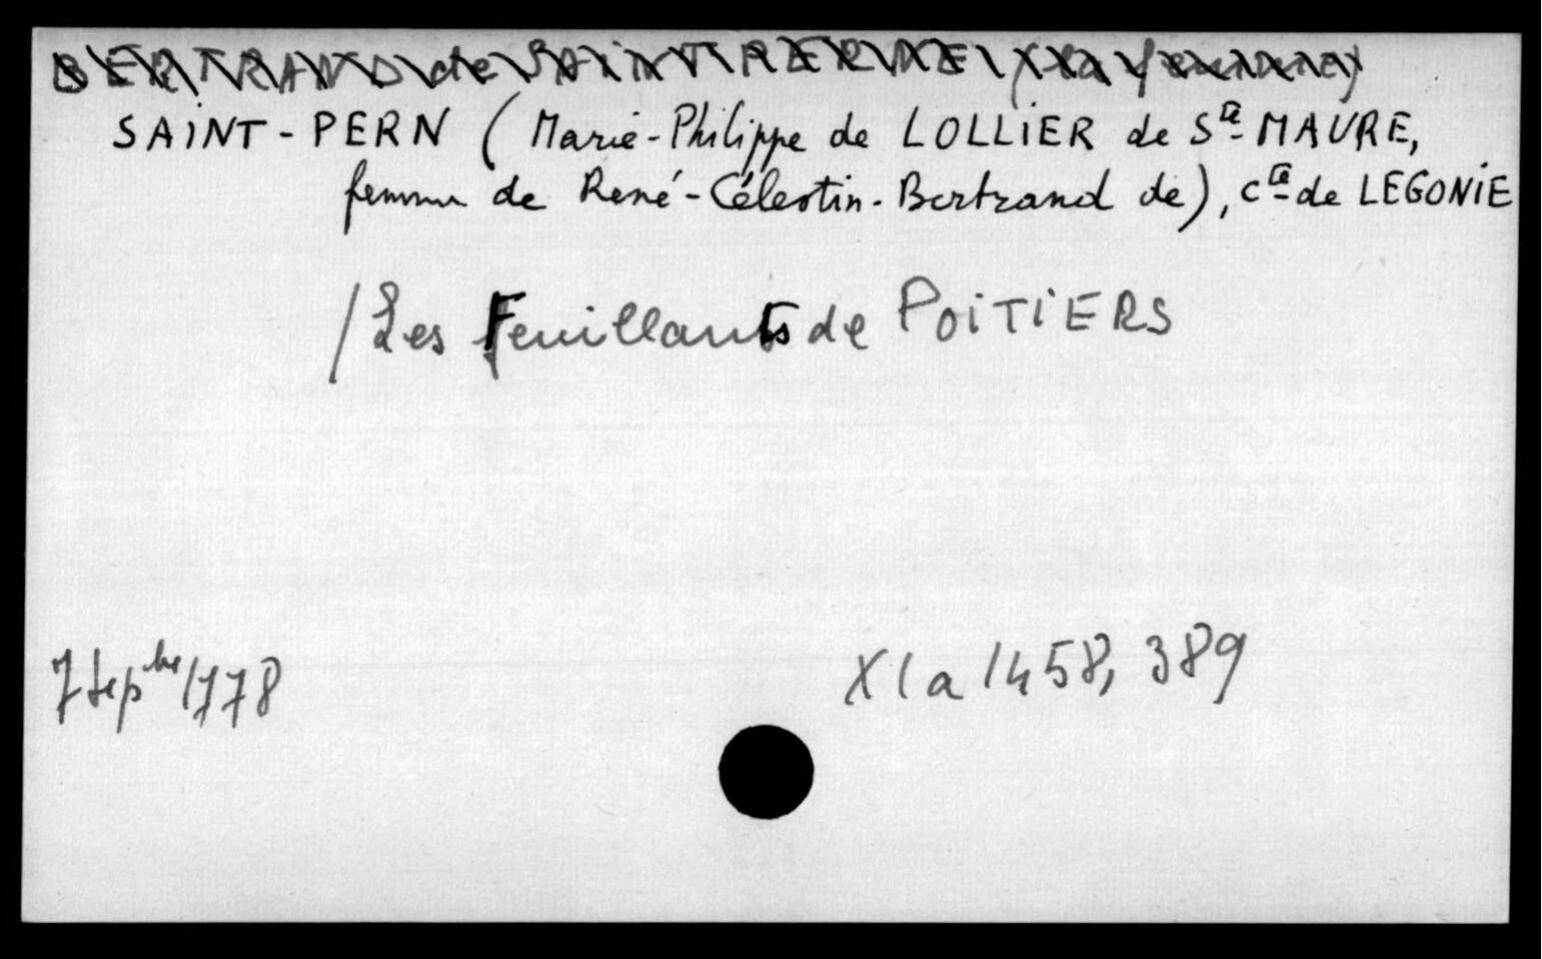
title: SAINT-PERN (Marie-Philippe de LOLLIER de SAINTE-MAURE, femme de René-Célestin-Bertrand de), canton de LEGONIE
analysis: Contre Les Feuillants de POITIERS
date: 7 septembre 1778
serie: X1a
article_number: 1458
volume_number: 389
